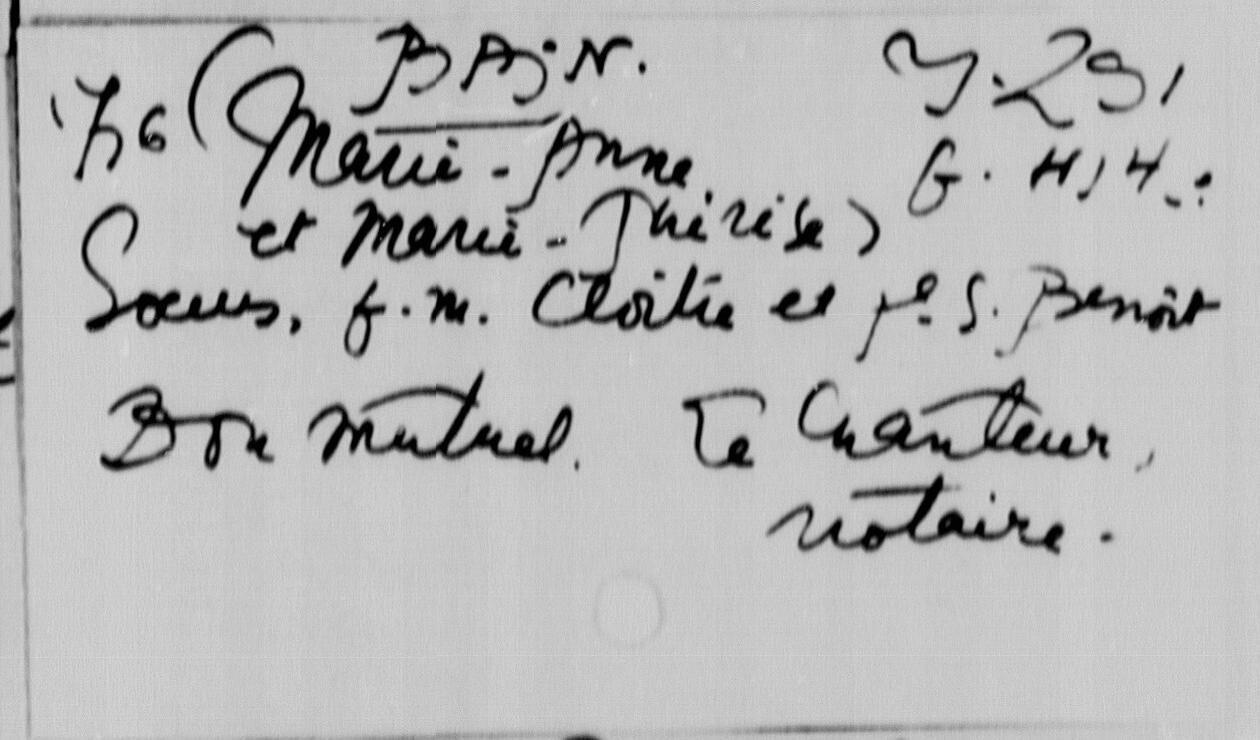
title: BAIN (Marie-Anne)
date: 1716
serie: Y
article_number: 291
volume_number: folio 414v
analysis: Et Marie-Thérèse, Soeurs, fille majeure. Cloître et paroisse Saint-Benoît. Don mutuel. Le Chanteur, notaire
